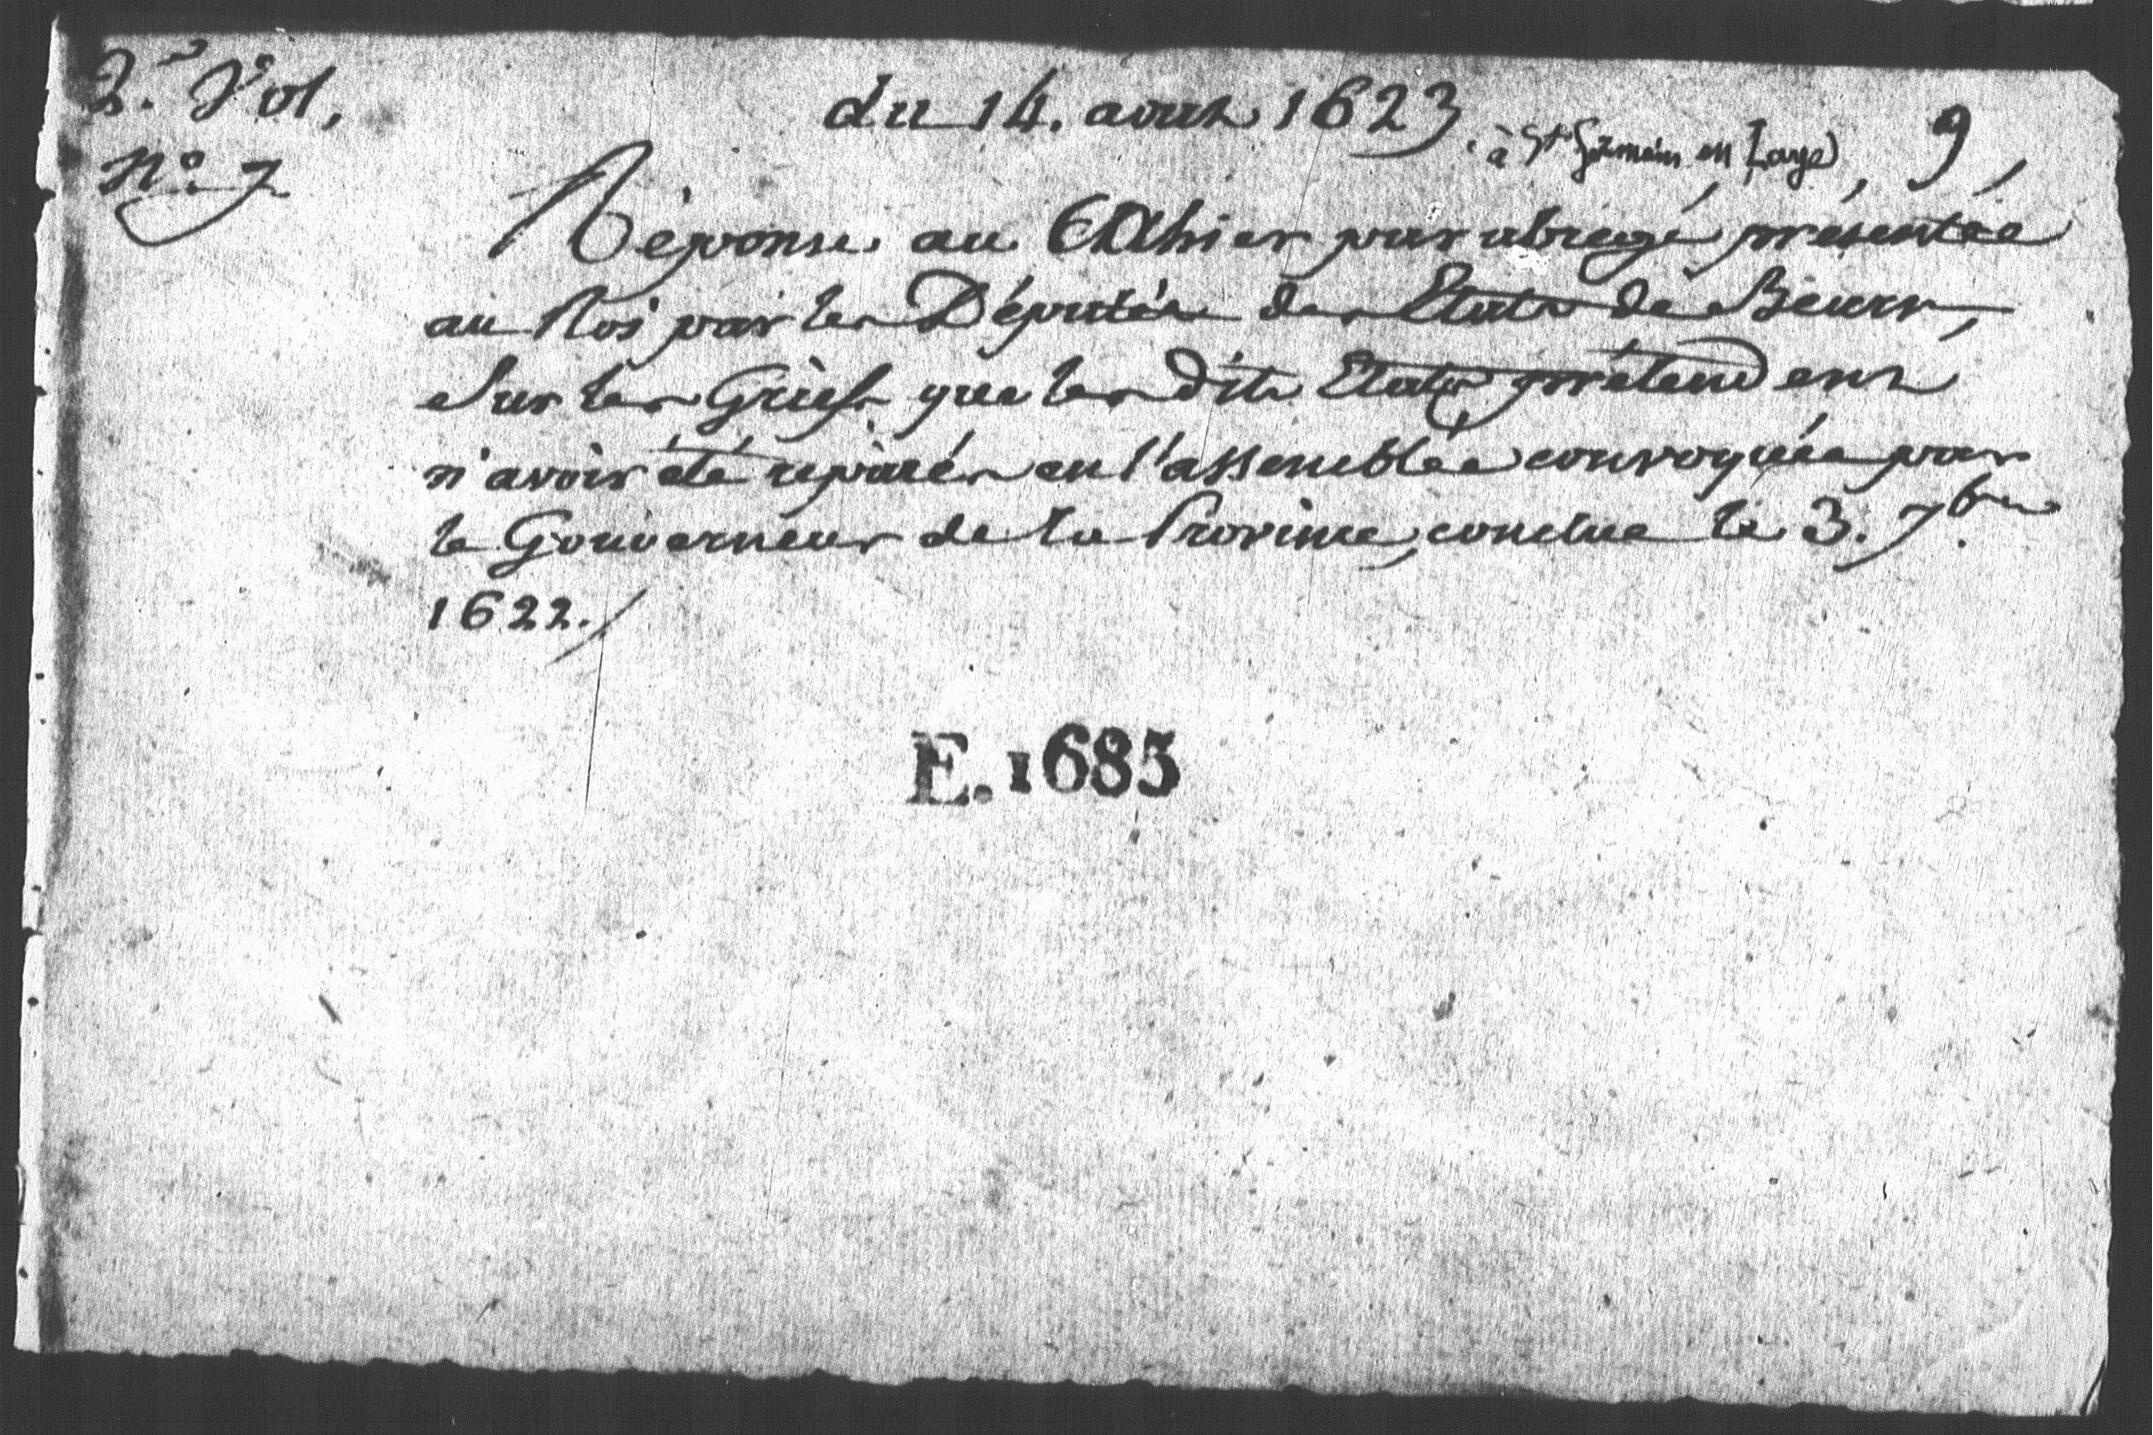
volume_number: n°7
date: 14 août 1623
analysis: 9
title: Réponse au cahier par abregé présentées au Roi par les Députés des Etats de Béarn sur les griefs que lesdits Etats prétendent n'avoir été reparés en l'assemblée convoquée par le Gouverneur de la Province, conclue le 3. 7bre. 1622.
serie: E
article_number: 1685
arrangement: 2e vol.
